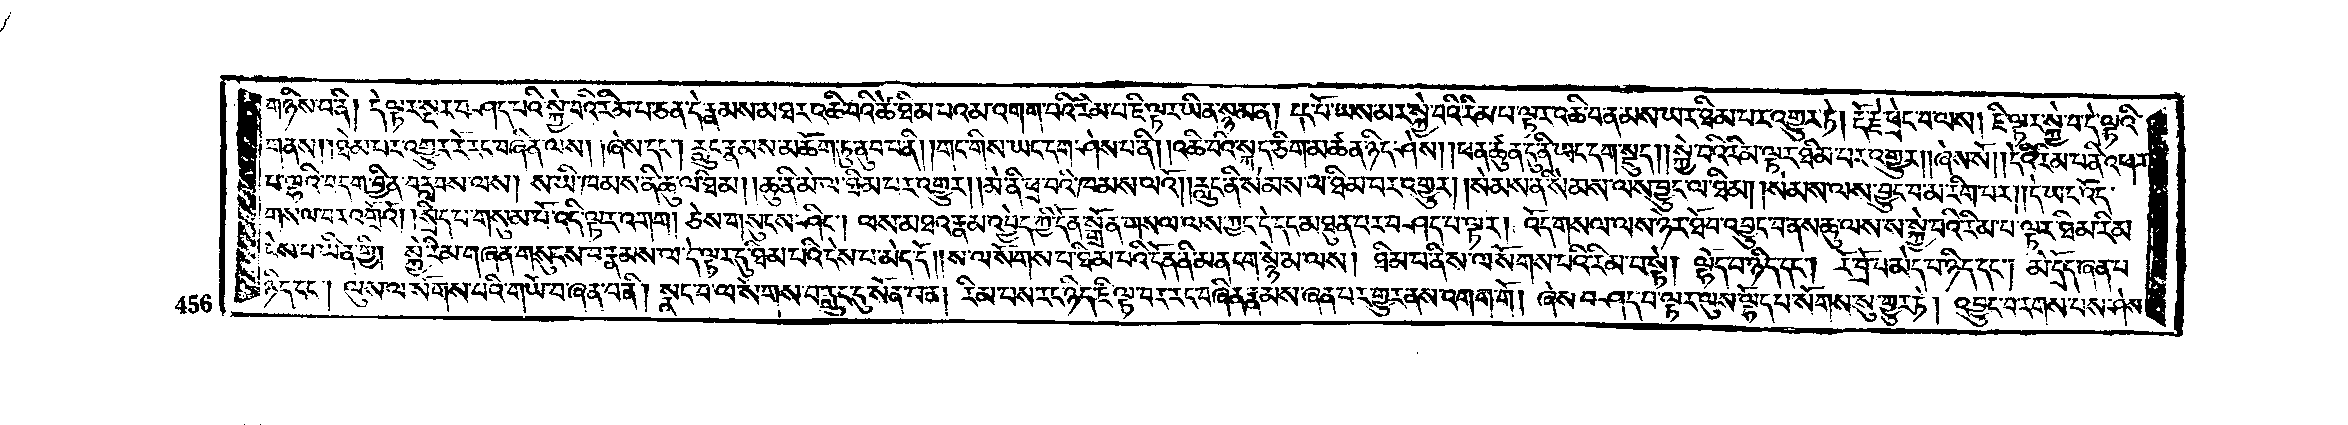གཉིས་པ་ནི། དེ་ལྟར་སྔར་བཤད་པའི་སྐྱེ་བའི་རིམ་པ་ཅན་དེ་རྣམས་མཐར་འཆི་བའི་ཚེ་ཐིམ་པའམ་འགག་པའི་རིམ་པ་ཇི་ལྟར་ཡིན་སྙམ་ན། དང་པོ་ཡས་མར་སྐྱེ་བའི་རིམ་པ་ལྟར་འཆི་བ་ན་མས་ཡར་ཐིམ་པར་འགྱུར་ཏེ། རྡོ་རྗེ་ཕྲེང་བ་ལས། ཇི་ལྟར་སྐྱེ་བ་དེ་ལྟའི་གནས། །ཐིམ་པར་འགྱུར་རོ་རང་བཞིན་ལས། །ཞེས་དང་། རླུང་རྣམས་མཆོག་ཏུ་ནུབ་པ་ནི། །གང་གིས་ཡང་དག་ཤེས་པ་ནི། །འཆི་བའི་སྐད་ཅིག་མཚན་ཉིད་ཤེས། །ཕན་ཚུན་དུ་ནི་ཡང་དག་སྡུད། །སྐྱེ་བའི་རིམ་ལྟར་ཐིམ་པར་འགྱུར། །ཞེས་སོ། །དེའི་རིམ་པ་ནི་འཕགས་
པ་ལྷའི་བདག་བྱིན་བརླབས་ལས། ས་ཡི་ཁམས་ནི་ཆུ་ལ་ཐིམ། །ཆུ་ནི་མེ་ལ་ཐིམ་པར་འགྱུར། །མེ་ནི་ཕྲ་བའི་ཁམས་ལའོ། །རླུང་ནི་སེམས་ལ་ཐིམ་པར་འགྱུར། །སེམས་ནི་སེམས་ལས་བྱུང་ལ་ཐིམ། །སེམས་ལས་བྱུང་བ་མ་རིག་པར། །དེ་ཡང་འོད་
གསལ་བར་འགྲོའོ། །སྲིད་པ་གསུམ་པོ་འདི་ལྟར་འགག །ཅེས་གསུངས་ཤིང་། ལས་མཐའ་རྣམ་འབྱེད་ཀྱི་དོན་སྒྲོན་གསལ་ལས་ཀྱང་དེ་དང་མཐུན་པར་བཤད་པ་ལྟར། འོད་གསལ་ལས་ཉེར་ཐོབ་འབྱུང་བ་ནས་ཆུ་ལས་ས་སྐྱེ་བའི་རིམ་པ་ལྟར་ཐིམ་རིམ་
ངེས་པ་ཡིན་གྱི། སྐྱེ་རིམ་གཞན་གསུངས་པ་རྣམས་ལ་དེ་ལྟར་དུ་ཐིམ་པའི་ངེས་པ་མེད་དོ། །ས་ལ་སོགས་པ་ཐིམ་པའི་དོན་ནི་མན་ངག་སྙེ་མ་ལས། ཐིམ་པ་ནི་ས་ལ་སོགས་པའི་རིམ་པ་སྟེ། ལྷོད་པ་ཉིད་དང་། རོ་བྲོ་བ་མེད་པ་ཉིད་དང་། མེ་དྲོད་ཞན་པ་
ཉིད་དང་། ལུས་ལ་སོགས་པའི་གཡོ་བ་ཞན་པ་ནི། སྣང་བ་ལ་སོགས་པ་རླུང་དུ་སོན་པ་ན། རིམ་པས་རང་ཉིད་ཇི་ལྟ་བར་རང་བཞིན་རྣམས་ཞན་པར་གྱུར་ནས་འགག་གོ །ཞེས་བཤད་པ་ལྟར་ལུས་ལྷོད་པ་སོགས་སུ་གྱུར་ཏེ། འབྱུང་བ་རགས་པས་ཤེས་